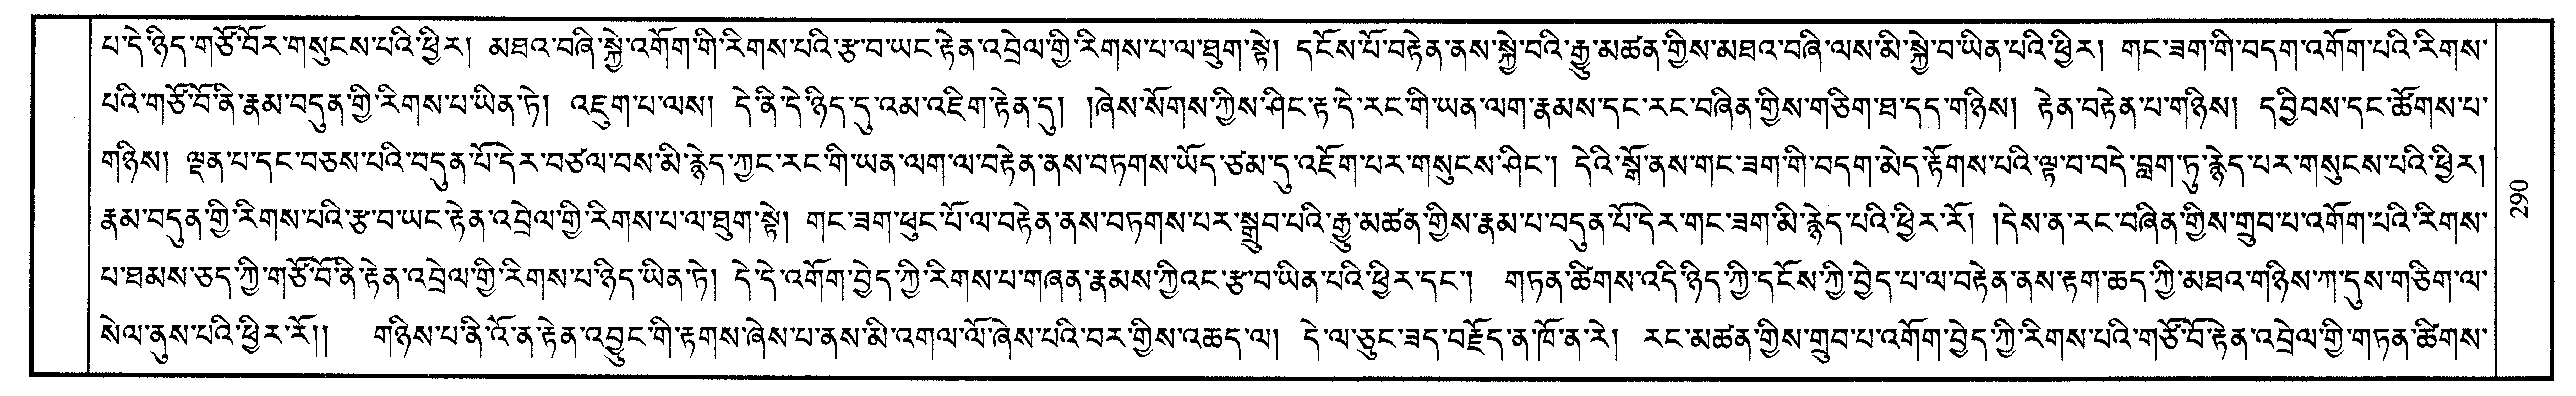པ་དེ་ཉིད་གཙོ་བོར་གསུངས་པའི་ཕྱིར། མཐའ་བཞི་སྐྱེ་འགོག་གི་རིགས་པའི་རྩ་བ་ཡང་རྟེན་འབྲེལ་གྱི་རིགས་པ་ལ་ཐུག་སྟེ། དངོས་པོ་བརྟེན་ནས་སྐྱེ་བའི་རྒྱུ་མཚན་གྱིས་མཐའ་བཞི་ལས་མི་སྐྱེ་བ་ཡིན་པའི་ཕྱིར། གང་ཟག་གི་བདག་འགོག་པའི་རིགས་
པའི་གཙོ་བོ་ནི་རྣམ་བདུན་གྱི་རིགས་པ་ཡིན་ཏེ། འཇུག་པ་ལས། དེ་ནི་དེ་ཉིད་དུ་འམ་འཇིག་རྟེན་དུ། །ཞེས་སོགས་ཀྱིས་ཤིང་རྟ་དེ་རང་གི་ཡན་ལག་རྣམས་དང་རང་བཞིན་གྱིས་གཅིག་ཐ་དད་གཉིས། རྟེན་བརྟེན་པ་གཉིས། དབྱིབས་དང་ཚོགས་པ་
གཉིས། ལྡན་པ་དང་བཅས་པའི་བདུན་པོ་དེར་བཙལ་བས་མི་རྙེད་ཀྱང་རང་གི་ཡན་ལག་ལ་བརྟེན་ནས་བཏགས་ཡོད་ཙམ་དུ་འཇོག་པར་གསུངས་ཤིང་། དེའི་སྒོ་ནས་གང་ཟག་གི་བདག་མེད་རྟོགས་པའི་ལྟ་བ་བདེ་བླག་ཏུ་རྙེད་པར་གསུངས་པའི་ཕྱིར།
རྣམ་བདུན་གྱི་རིགས་པའི་རྩ་བ་ཡང་རྟེན་འབྲེལ་གྱི་རིགས་པ་ལ་ཐུག་སྟེ། གང་ཟག་ཕུང་པོ་ལ་བརྟེན་ནས་བཏགས་པར་སྒྲུབ་པའི་རྒྱུ་མཚན་གྱིས་རྣམ་པ་བདུན་པོ་དེར་གང་ཟག་མི་རྙེད་པའི་ཕྱིར་རོ། །དེས་ན་རང་བཞིན་གྱིས་གྲུབ་པ་འགོག་པའི་རིགས་
པ་ཐམས་ཅད་ཀྱི་གཙོ་བོ་ནི་རྟེན་འབྲེལ་གྱི་རིགས་པ་ཉིད་ཡིན་ཏེ། དེ་དེ་འགོག་བྱེད་ཀྱི་རིགས་པ་གཞན་རྣམས་ཀྱིའང་རྩ་བ་ཡིན་པའི་ཕྱིར་དང་། གཏན་ཚིགས་འདི་ཉིད་ཀྱི་དངོས་ཀྱི་བྱེད་པ་ལ་བརྟེན་ནས་རྟག་ཆད་ཀྱི་མཐའ་གཉིས་ཀ་དུས་གཅིག་ལ་
སེལ་ནུས་པའི་ཕྱིར་རོ།། གཉིས་པ་ནི་འོ་ན་རྟེན་འབྱུང་གི་རྟགས་ཞེས་པ་ནས་མི་འགལ་ལོ་ཞེས་པའི་བར་གྱིས་འཆད་ལ། དེ་ལ་ཅུང་ཟད་བརྗོད་ན་ཁོ་ན་རེ། རང་མཚན་གྱིས་གྲུབ་པ་འགོག་བྱེད་ཀྱི་རིགས་པའི་གཙོ་བོ་རྟེན་འབྲེལ་གྱི་གཏན་ཚིགས་